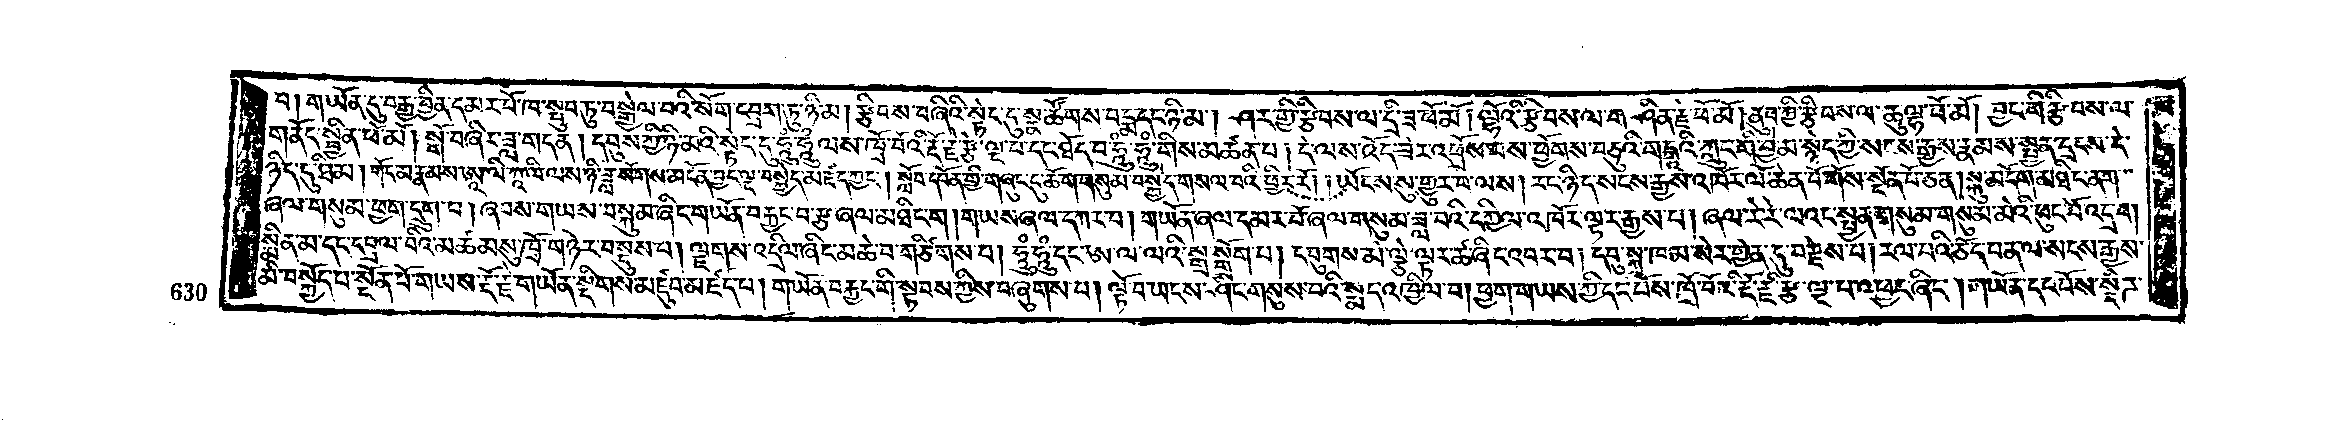བ། གཡོན་དུ་བརྒྱ་བྱིན་དམར་པོ་ཁ་སྤུབ་ཏུ་བསྐྱེལ་བའི་སོག་དབྲག་ཏུ་ཉི་མ། རྩིབས་བཞིའི་སྟེང་དུ་སྣ་ཚོགས་པདམ་དང་ཉི་མ། ཤར་གྱི་རྩིབས་ལ་དྲི་ཟ་ཕོ་མོ། ལྷོའི་རྩིབས་ལ་གཤིན་རྗེ་ཕོ་མོ། ནུབ་ཀྱི་རྩིབས་ལ་ཆུ་ལྷ་ཕོ་མོ། བྱང་གི་རྩིབས་ལ་
གནོད་སྦྱིན་ཕོ་མོ། སྒོ་བཞིར་ཟླ་གདན། དབུས་ཀྱི་ཉི་མའི་སྟེང་དུ་ཧཱུཾ་ཧཱུཾ་ལས་ཁྲོ་བོའི་རྡོ་རྗེ་རྩེ་ལྔ་པ་དང་ཐོད་པ་ཧཱུཾ་ཧཱུཾ་གིས་མཚན་པ། དེ་ལས་འོད་ཟེར་འཕྲོས་པས་ཕྱོགས་བཅུའི་གངྒཱའི་ཀླུང་གི་བྱེ་མ་སྙེད་ཀྱི་སངས་རྒྱས་རྣམས་སྤྱན་དྲངས་དེ་
ཉིད་དུ་ཐིམ། གོང་མ་རྣམས་ཨཱ་ལི་ཀཱ་ལི་ལས་ཉི་ཟླ་སོགས་མངོན་བྱང་ལྔ་བསྐྱེད་མཛད་ཀྱང་། སློབ་དཔོན་གྱི་གཞུང་དུ་ཆོ་ག་གསུམ་བསྐྱེད་གསལ་བའི་ཕྱིར་རོ། །ཡོངས་སུ་གྱུར་པ་ལས། རང་ཉིད་སངས་རྒྱས་འཁོར་ལོ་ཆེན་པོ་གོས་སྔོན་པོ་ཅན། སྐུ་མདོག་མཐིང་ནག་
ཞལ་གསུམ་ཕྱག་དྲུག་པ། ཞབས་གཡས་བསྐུམ་ཞིང་གཡོན་བརྐྱང་བ་རྩ་ཞལ་མཐིང་ག །གཡས་ཞལ་དཀར་བ། གཡོན་ཞལ་དམར་པོ་ཞལ་གསུམ་ཟླ་བའི་དཀྱིལ་འཁོར་ལྟར་རྒྱས་པ། ཞལ་རེ་རེ་ལའང་སྤྱན་གསུམ་གསུམ་མེའི་ཕུང་པོ་འདྲ་བ།
སྨིན་མ་དང་དབྲལ་བའི་མཚམས་སུ་ཁྲོ་གཉེར་བསྡུས་པ། ལྗགས་འདྲིལ་ཞིང་མཆེ་བ་གཙིགས་པ། ཧཱུཾ་ཧཱུཾ་དང་ཨ་ལ་ལའི་སྒྲ་སྒྲོག་པ། དབུགས་མེ་ལྕེ་ལྟར་ཚ་ཞིང་འབར་བ། དབུ་སྐྲ་ཁམ་སེར་གྱེན་དུ་བརྫེས་པ། རལ་པའི་ཅོད་པན་ལ་སངས་རྒྱས་
མི་བསྐྱོད་པ་སྔོན་པོ་གཡས་རྡོ་རྗེ་གཡོན་སྡིགས་མཛུབ་མཛད་པ། གཡོན་བརྐྱང་གི་སྟབས་ཀྱིས་བཞུགས་པ། ལྟོ་བ་ཡངས་ཤིང་གསུས་པའི་སྨད་འཁྱིལ་བ། ཕྱག་གཡས་ཀྱི་དང་པོས་ཁྲོ་བོའི་རྡོ་རྗེ་རྩ་ལྔ་པ་འཕྱང་ཞིང་། གཡོན་དང་པོས་སྡིགས་